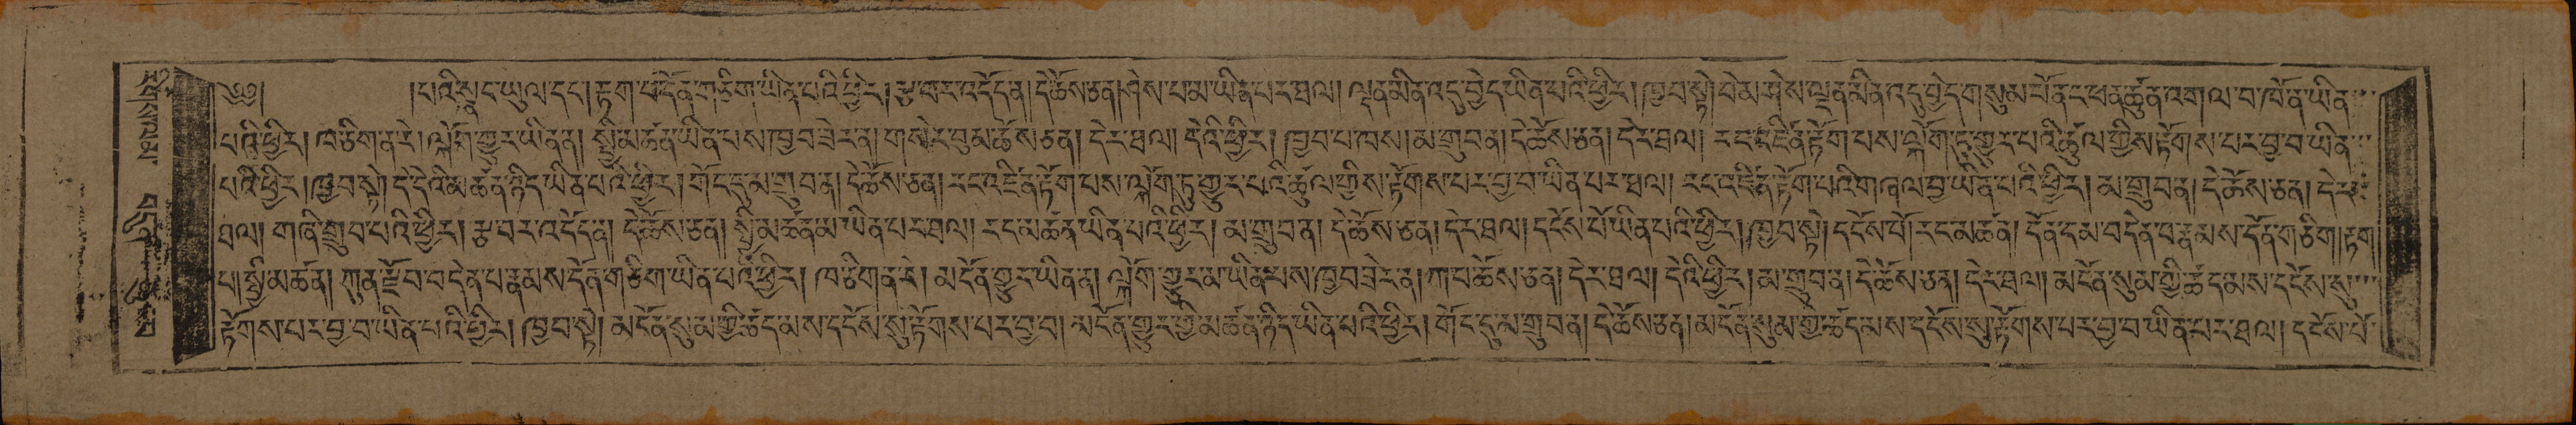༄༅། །པའི་སྣང་ཡུལ་དང་། རྟག་པ་དོན་གཅིག་ཡིན་པའི་ཕྱིར། རྩ་བར་འདོད་ན། དེ་ཆོས་ཅན། ཤེས་པ་མ་ཡིན་པར་ཐལ། ལྡན་མིན་འདུ་བྱེད་ཡིན་པའི་ཕྱིར། ཁྱབ་སྟེ། བེམ་ཤེས་ལྡན་མིན་འདུ་བྱེད་གསུམ་པོ་ནང་ཕན་ཚུན་འགལ་བ་ཁོ་ན་ཡིན་
པའི་ཕྱིར། ཁ་ཅིག་ན་རེ། ལྐོག་གྱུར་ཡིན་ན། སྤྱི་མཚན་ཡིན་པས་ཁྱབ་ཟེར་ན། གསེར་བུམ་ཆོས་ཅན། དེར་ཐལ། དེའི་ཕྱིར། ཁྱབ་པ་ཁས། མ་གྲུབ་ན། དེ་ཆོས་ཅན། དེར་ཐལ། རང་འཛིན་རྟོག་པས་ལྐོག་ཏུ་གྱུར་པའི་ཚུལ་གྱིས་རྟོགས་པར་བྱ་བ་ཡིན་
པའི་ཕྱིར། ཁྱབ་སྟེ། དེ་དེའི་མཚན་ཉིད་ཡིན་པའི་ཕྱིར། གོང་དུ་མ་གྲུབ་ན། དེ་ཆོས་ཅན། རང་འཛིན་རྟོག་པས་ལྐོག་ཏུ་གྱུར་པའི་ཚུལ་གྱིས་རྟོགས་པར་བྱ་བ་ཡིན་པར་ཐལ། རང་འཛིན་རྟོག་པའི་གཞལ་བྱ་ཡིན་པའི་ཕྱིར། མ་གྲུབ་ན། དེ་ཆོས་ཅན། དེར་
ཐལ༑ གཞི་གྲུབ་པའི་ཕྱིར། རྩ་བར་འདོད་ན། དེ་ཆོས་ཅན། སྤྱི་མཚན་མ་ཡིན་པར་ཐལ། རང་མཚན་ཡིན་པའི་ཕྱིར། མ་གྲུབ་ན། དེ་ཆོས་ཅན། དེར་ཐལ། དངོས་པོ་ཡིན་པའི་ཕྱིར། ཁྱབ་སྟེ། དངོས་པོ། རང་མཚན། དོན་དམ་བདེན་པ་རྣམས་དོན་གཅིག །རྟག་
པ༑ སྤྱི་མཚན། ཀུན་རྫོབ་བདེན་པ་རྣམས་དོན་གཅིག་ཡིན་པའི་ཕྱིར། ཁ་ཅིག་ན་རེ། མངོན་གྱུར་ཡིན་ན། ལྐོག་གྱུར་མ་ཡིན་པས་ཁྱབ་ཟེར་ན། ཀ་བ་ཆོས་ཅན། དེར་ཐལ། དེའི་ཕྱིར། མ་གྲུབ་ན། དེ་ཆོས་ཅན། དེར་ཐལ། མངོན་སུམ་གྱི་ཚད་མས་དངོས་སུ་
རྟོགས་པར་བྱ་བ་ཡིན་པའི་ཕྱིར། ཁྱབ་སྟེ། མངོན་སུམ་གྱི་ཚད་མས་དངོས་སུ་རྟོགས་པར་བྱ་བ། མངོན་གྱུར་གྱི་མཚན་ཉིད་ཡིན་པའི་ཕྱིར། གོང་དུ་མ་གྲུབ་ན། དེ་ཆོས་ཅན། མངོན་སུམ་གྱི་ཚད་མས་དངོས་སུ་རྟོགས་པར་བྱ་བ་ཡིན་པར་ཐལ། དངོས་པོ་